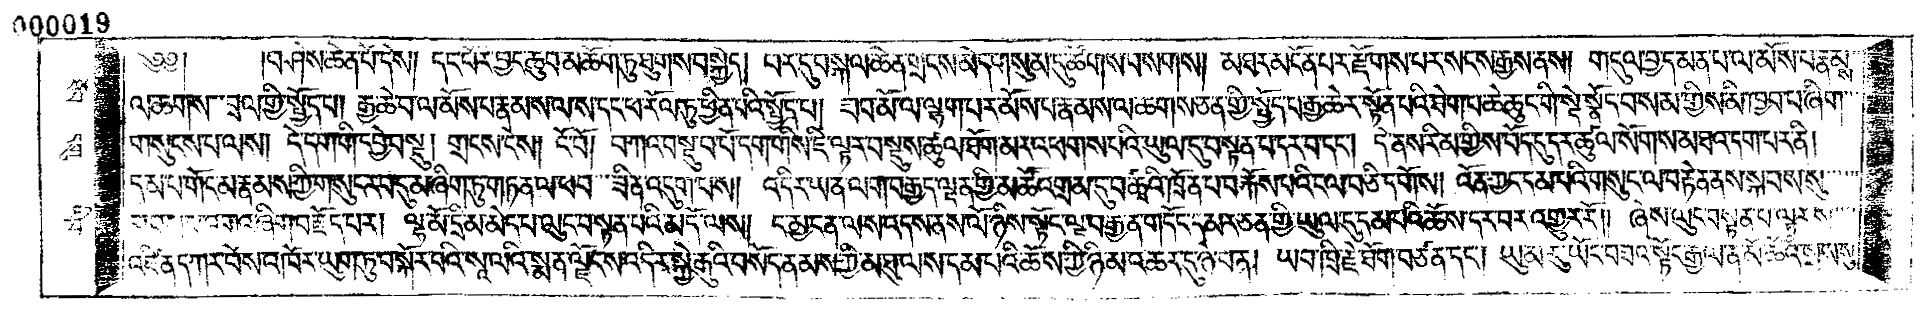༄༅། །བཤེས་ཆེན་པོ་དེས། དང་པོར་བྱང་ཆུབ་མཆོག་ཏུ་ཐུགས་བསྐྱེད། བར་དུ་བསྐལ་ཆེན་གྲངས་མེད་གསུམ་དུ་ཚོགས་བསགས། མཐར་མངོན་པར་རྫོགས་པར་སངས་རྒྱས་ནས། གདུལ་བྱ་དམན་པ་ལ་མོས་པ་རྣམས་
ལ་ཆགས་བྲལ་གྱི་སྤྱོད་པ། རྒྱ་ཆེ་བ་ལ་མོས་པ་རྣམས་ལ་ས་དང་ཕ་རོལ་ཏུ་ཕྱིན་པའི་སྤྱོད་པ། ཟབ་མོ་ལ་ལྷག་པར་མོས་པ་རྣམས་ལ་ཆགས་ཅན་གྱི་སྤྱོད་པ་རྒྱ་ཆེར་སྟོན་པའི་ཐེག་པ་ཆེ་ཆུང་གི་སྡེ་སྣོད་བསམ་གྱིས་མི་ཁྱབ་པ་ཞིག་
གསུངས་པ་ལས། དེ་དག་གི་དབྱེ་བསྡུ། གྲངས་ངེས། ངོ་བོ། བཀའ་བསྡུ་བ་པོ་དག་གིས་ཇི་ལྟར་བསྡུས་ཚུལ་ཐོག་མར་འཕགས་པའི་ཡུལ་དུ་བསྟན་པ་དར་བ་དང་། དེ་ནས་རིམ་གྱིས་བོད་དུ་དར་ཚུལ་སོགས་མཐའ་དག་པར་ནི།
དམ་པ་གོང་མ་རྣམས་ཀྱི་གསུང་རབ་དུ་མ་ཞིག་ཏུ་གཏན་ལ་ཕབ་ཟིན་འདུག་པས། འདིར་ཡན་ལག་བརྒྱད་ལྡན་གྱི་མཚོ་འགྲམ་དུ་བ་ཚྭའི་ཁྲོན་པ་བརྐོས་པའི་ངལ་བ་ཅི་དགོས། འོན་ཀྱང་དམ་པའི་གསུང་ལ་བརྟེན་ནས་སྐབས་སུ་
བབས་པ་འགའ་ཞིག་བརྗོད་པར། ལྷ་མོ་དྲི་མ་མེད་པ་ལུང་བསྟན་པའི་མདོ་ལས། ང་མྱ་ངན་ལས་འདས་ནས་ལོ་ཉིས་སྟོང་ལྔ་བརྒྱ་ན་གདོང་དམར་ཅན་གྱི་ཡུལ་དུ་དམ་པའི་ཆོས་དར་བར་འགྱུར་རོ།། ཞེས་ལུང་བསྟན་པ་ལྟར་ས་
འཛིན་དཀར་བོས་འཁོར་ཡུག་ཏུ་བསྐོར་བའི་སཱ་ལའི་སྨན་ལྗོངས་འདིར་སྐྱེ་རྒུའི་བསོད་ནམས་ཀྱི་མཐུ་ལས་དམ་པའི་ཆོས་ཀྱི་ཉི་མ་འཆར་དུ་ཉེ་པ་ར། ཡབ་ཁྲི་རྗེ་ཐོག་བཙན་དང་། ཡུམ་རུ་ཡོང་བཟའ་སྟོང་རྒྱལ་ན་མོ་ཚོའི་སྲས་སུ་